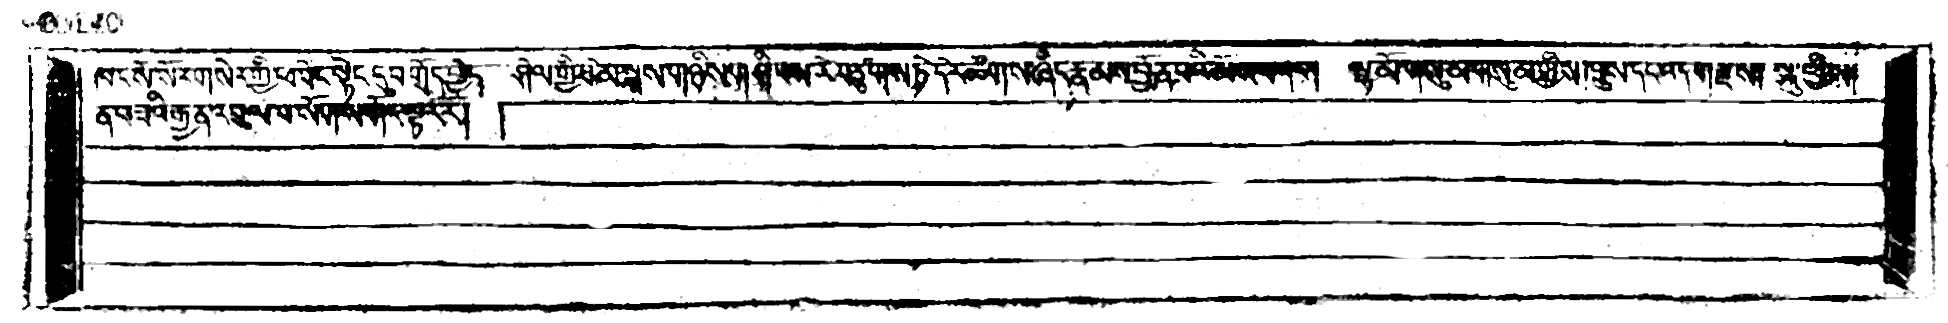ཁང་སོ་སོར་གསེར་གྱི་ཕ་བོང་སྟེང་དུ་བགྲོད་བྱེད་ཤེལ་གྱི་ཐེམ་སྐས་གཉིས་གཤིབས་རེ་བཙུགས་ཏེ་དེར་ཚོགས་ཞིང་རྣམས་བྱོན་པའི་མོས་པ་དང་། ལྷ་མོ་གསུམ་གསུམ་གྱིས་ཁྲུས་དང་འདག་རྫས། སྐུ་ཕྱིས།
ན་བཟའི་རྒྱན་འབུལ་བ་སོགས་གོང་ལྟར་རོ།